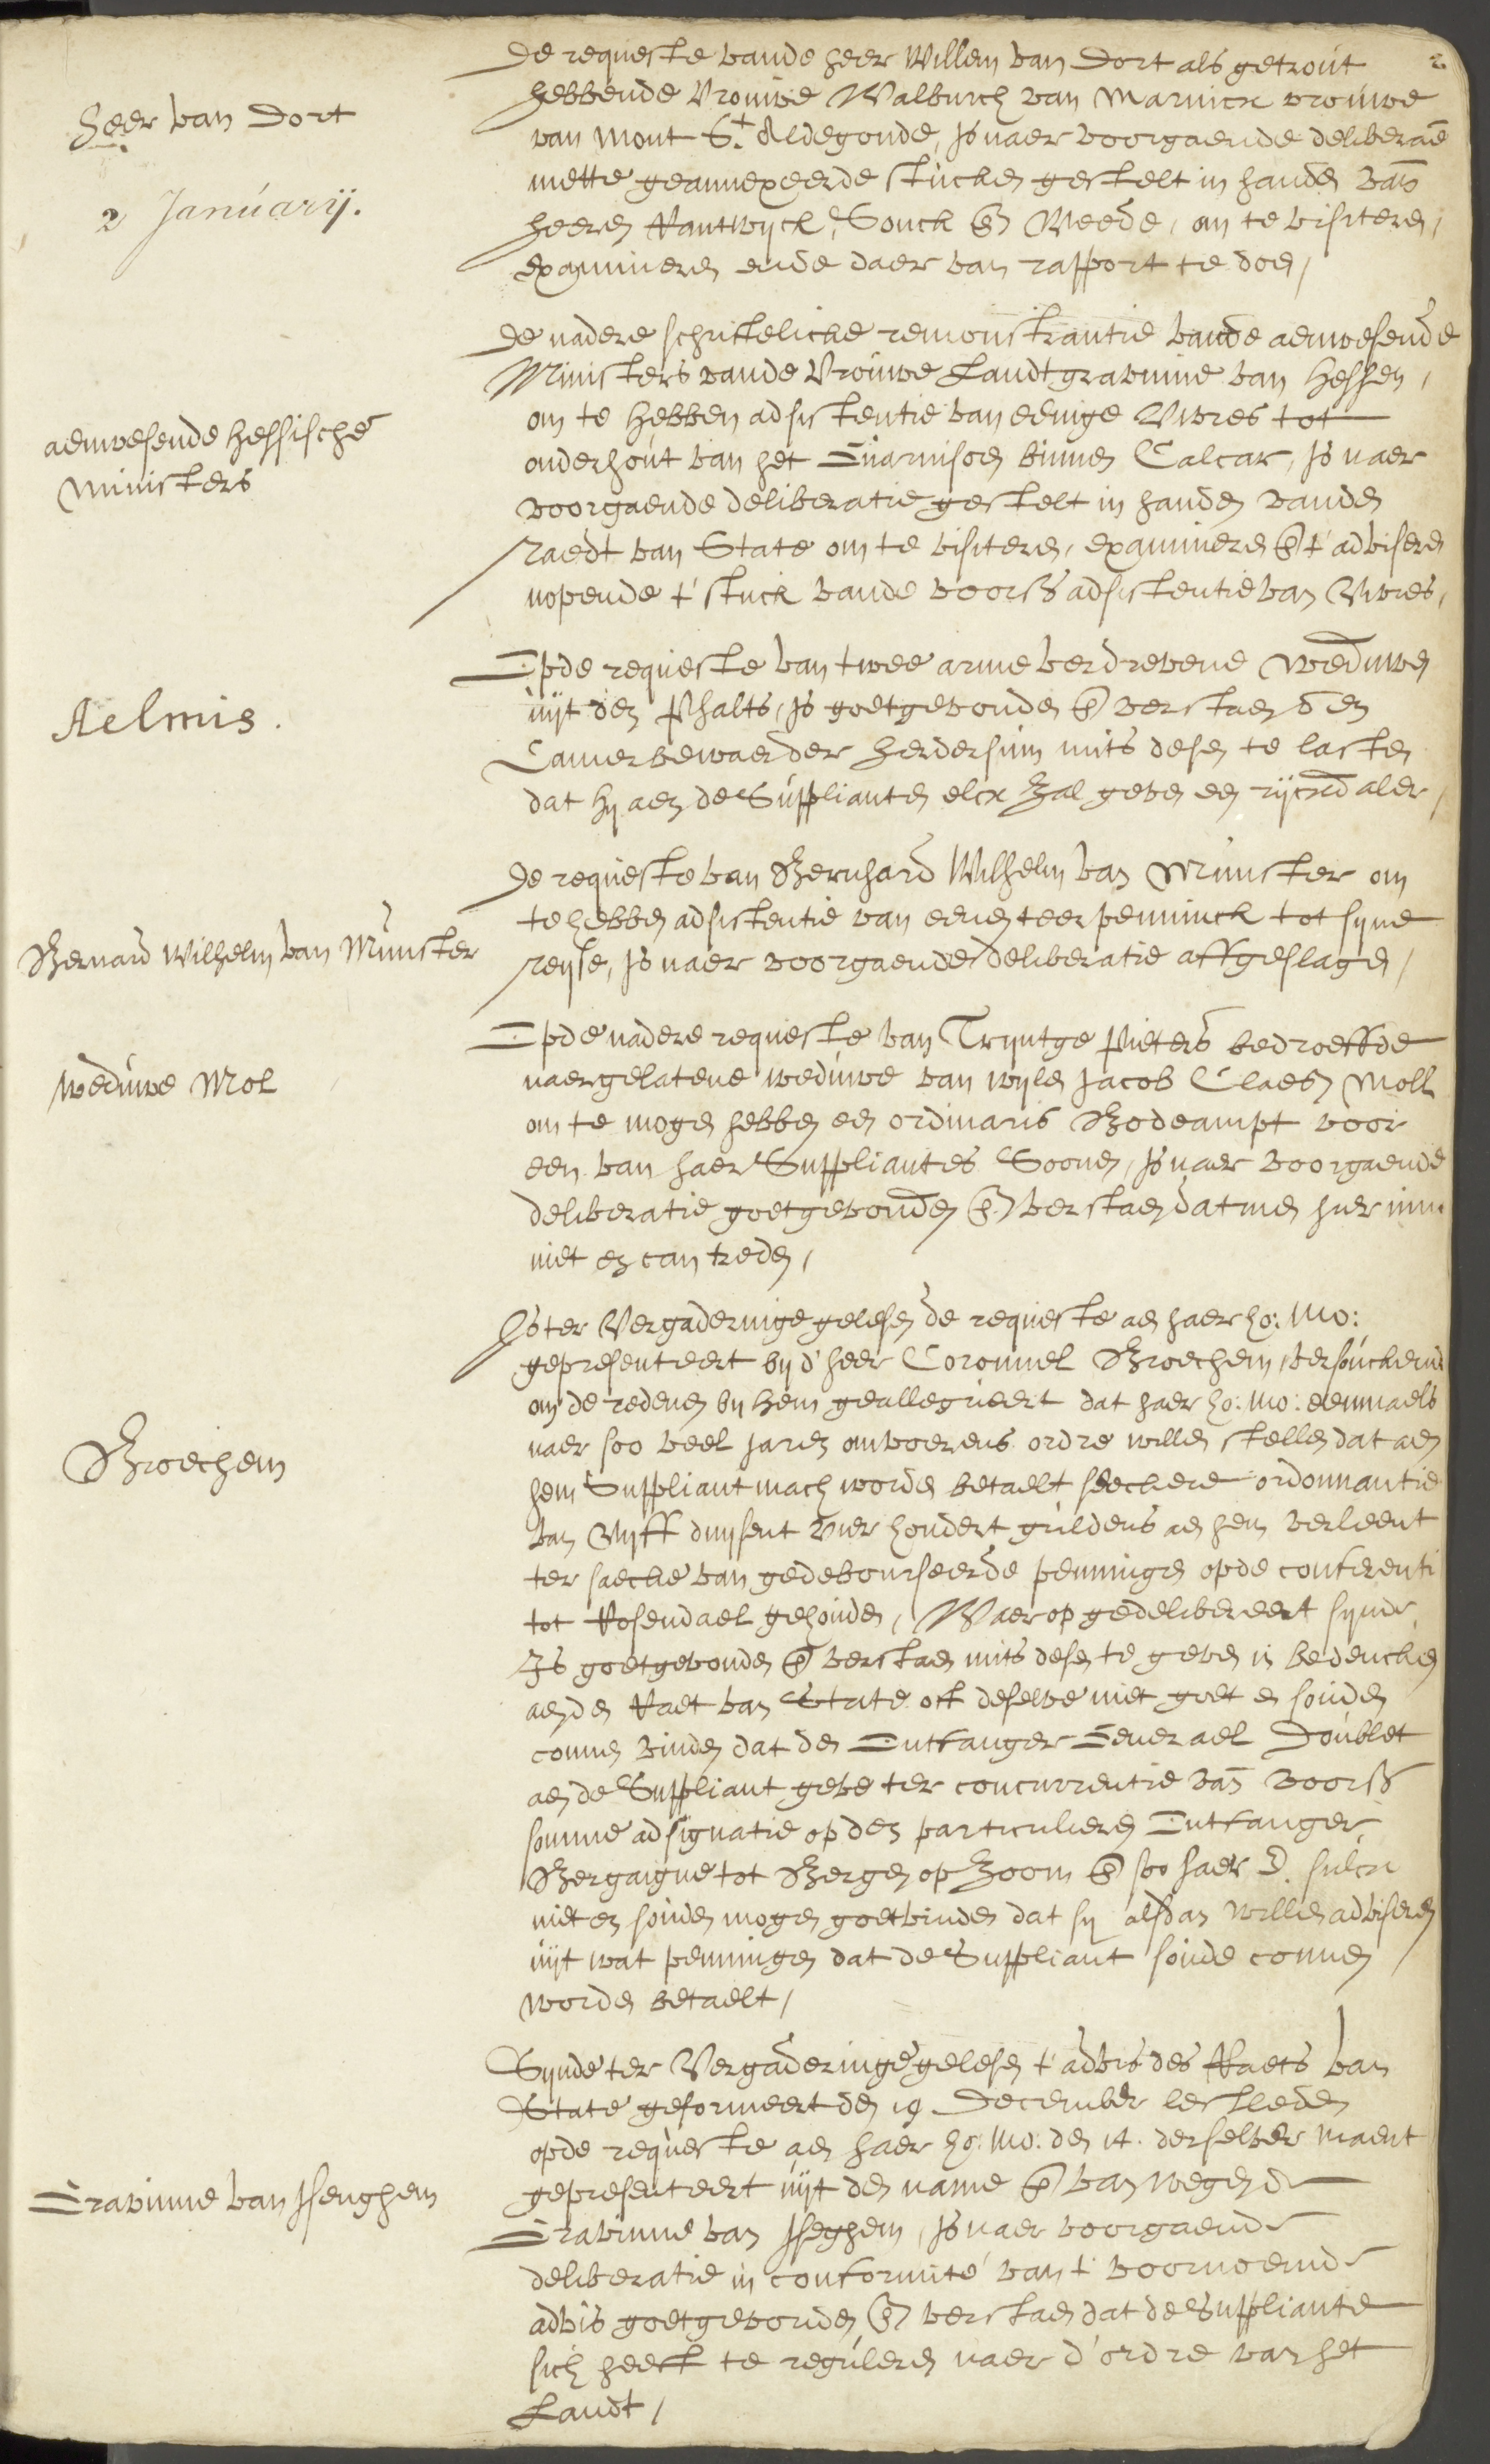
2
heer van Dort
2 Januarij.
De requeste vande heer Willem van Dort als getrout
hebbende Vrouwe Walburch van Marnicx vrouwe
van Mont St. Aldegonde, Is naer voorgaende deliberae
mette geannexeerde stucken gestelt in handen van
heeren Rantwyck, Sonck & Weede, om te visiteren,
examinieren ende daer van rapport te doen.
aenwesende hessische
ministers
De nadere schriftelicke remonstrantie vande aenwesende
Ministers vande Vrouwe Landtgravinne van Hessen,
om te hebben adsistentie van eenige Vivres tot
onderhout van het Guarnisoen binnen Calcar, Is naer
voorgaende deliberatie gestelt in handen vanden
Raedt van State om te visiteren, examineren & t'adviseren
nopende t‛stuck vande voors adsistentie van Vivres.
Aelmis.
Opde requeste van twee arme verdrevene weduwen
uijt den Phalts, Is goetgevonden & verstaen den
Camerbewaerder herdersum mits desen te lasten
dat hy aen de Supplianten elcx zal geven een rijcxdaler.
Bernard Wilhelm van Munster
De requeste van Bernhard Wilhelm van Munster om
te hebben adsistentie van eenen teerpenninck tot syne
reyse, is naer voorgaende deliberatie affgeslagen.
weduwe Mol
Opde nadere requeste van Tryntge Pieters bedroeffde
naergelatene weduwe van wylen Jacob Claes Moll
om te mogen hebben een ordinaris Bodeampt voor
een van haer Suppliantes Soonen, Is naer voorgaende
deliberatie goetgevonden & verstaen dat men hierinne
niet en can treden.
Broechem
Is ter Vergaderinge gelesen de requeste aen haer ho:Mo:
gepresenteert by d'heer Coronnel Broechem, versouckend
om de redenen by hem geallegueert dat haer ho:mo: eenmaels
naer soo veel jaren omvoerens ordre willen stellen dat aen
hem Suppliant mach worden betaelt seeckere ordonnantie
van vyff duysent vier hondert guldens aen hem verleent
ter saecke van gedebourseerde penningen opde conferenti
tot Rosendael gehouden. Waerop gedelibereert synde,
Is goetgevonden & verstaen mits desen te geven in bedencken
aenden Raet van State off deselve niet goet en souden
connen vinden dat den Ontfanger Generael Doublet
aen de Suppliant geve ter concurrentie van voors
somme adsignatie op den particulieren Ontfanger
Bergaigne tot Bergen op Zoom & soo haer E. sulcx
niet en souden mogen goetvinden dat sy alsdan willen adviseren
uijt wat penningen dat de Suppliant soude connen
worden betaelt.
Gravinne van Isenghem
Synde ter Vergaderinge gelesen t'advis des Raets van
State geformeert den 19 December lestleden
opde requeste aen haer ho:mo: den 14. derselver maent
gepresenteert uijt den name & van wegen de
Gravinne van Iseghem. Is naer voorgaende
deliberatie in conformité van t' voornoemde
advis goetgevonden & verstaen dat de Suppliante
sich heeft te reguleren naer d'ordre van het
Landt.
